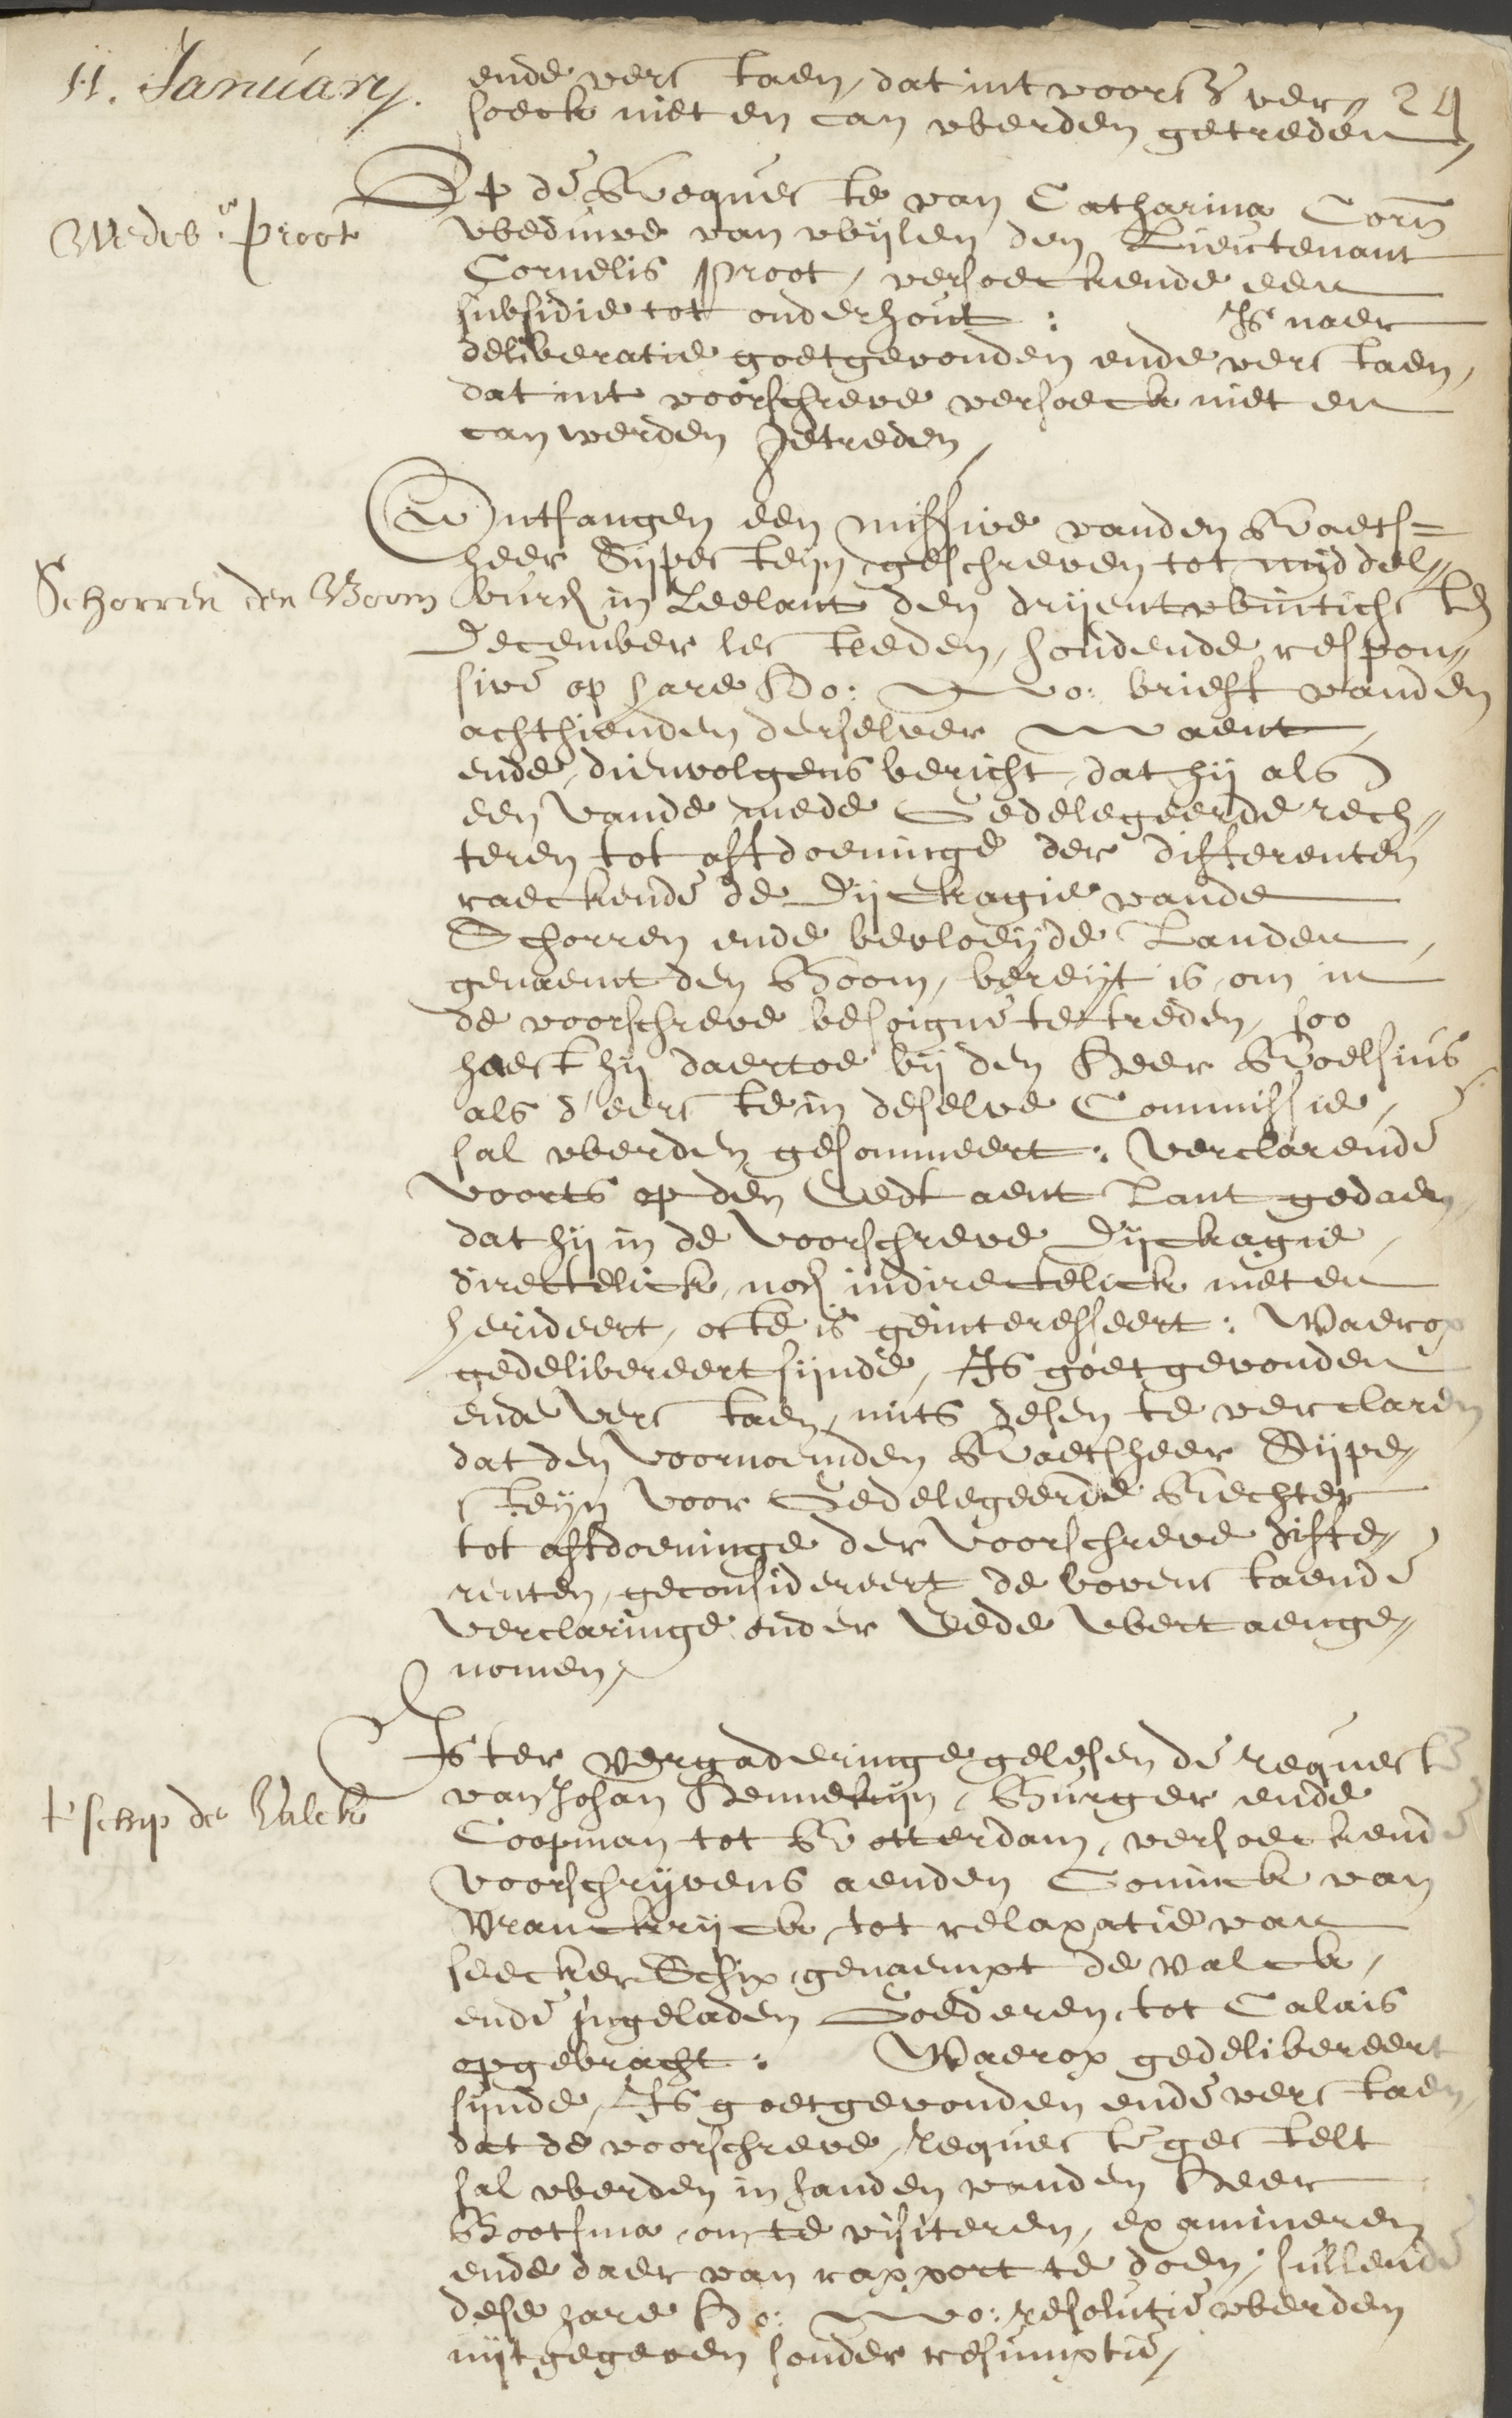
24
11. January.
ende verstaen, dat int voors ver„
soeck niet en can werden getreden.
Wedwe. Proot
Op de Requeste van Catharina Corn
weduwe van wijlen den Lieutenant
Cornelis Proot, versoeckende een
subsidie tot onderhout: Is naer
deliberatie goetgevonden ende verstaen,
dat int voorschreve versoeck niet en
can werden getreden.
Schorren den Boom
Ontfangen een missive vanden Raets„
heer Sijpesteijn, geschreven tot middel„
burch in Zeelant den drijentwintichsten
December lestleden, houdende respon„
sive op hare Ho:Mo: brieff vanden
achthienden derselver Maent,
ende, dienvolgens bericht, dat hij als
een vande mede Gedelegeerde rech„
teren tot affdoeninge der differenten
raeckende de Dijckagie vande
Schorren ende bevloeijde Landen,
genaemt den Boom, bereijt is, om in
de voorschreve besoigne te treden, soo
haest hij daertoe bij den Heer Roelsius
als d'eerste in deselve Commissie
sal werden gesommeert: Verclarende
voorts op den Eedt aent Lant gedaen,
dat hij in de voorschreve Dijckagie,
directelick, noch indirectelick niet en
herideert, ofte is geinteresseert: Waerop
gedelibereert sijnde, Is goetgevonden
ende verstaen, mits desen te verclaren
dat den voornoemden Raetsheer Sijpe„
steijn voor Gedelegeerde Rechter
tot affdoeninge der voorschreve diffe„
renten, geconsidereert de bovenstaende
verclaringe onder eede wert aenge„
nomen.
t' schip de Valck
Is ter Vergaderinge gelesen de requeste
van Johan Hennekijn, Burger ende
Coopman tot Rotterdam, versoeckende
voorschrijvens aenden Coninck van
Vranckrijck, tot relaxatie van
seecker Schip genaempt de Valck,
ende ingeladen Goederen, tot Calais
opgebracht: Waerop gedelibereert
sijnde, Is goetgevonden ende verstaen,
dat de voorschreve requeste gestelt
sal werden in handen vanden Heer
Bootsma, om te visiteren, examineren
ende daer van rapport te doen; sullende
dese hare Ho:Mo: resolutie werden
uijtgegeven sonder resumptie.
